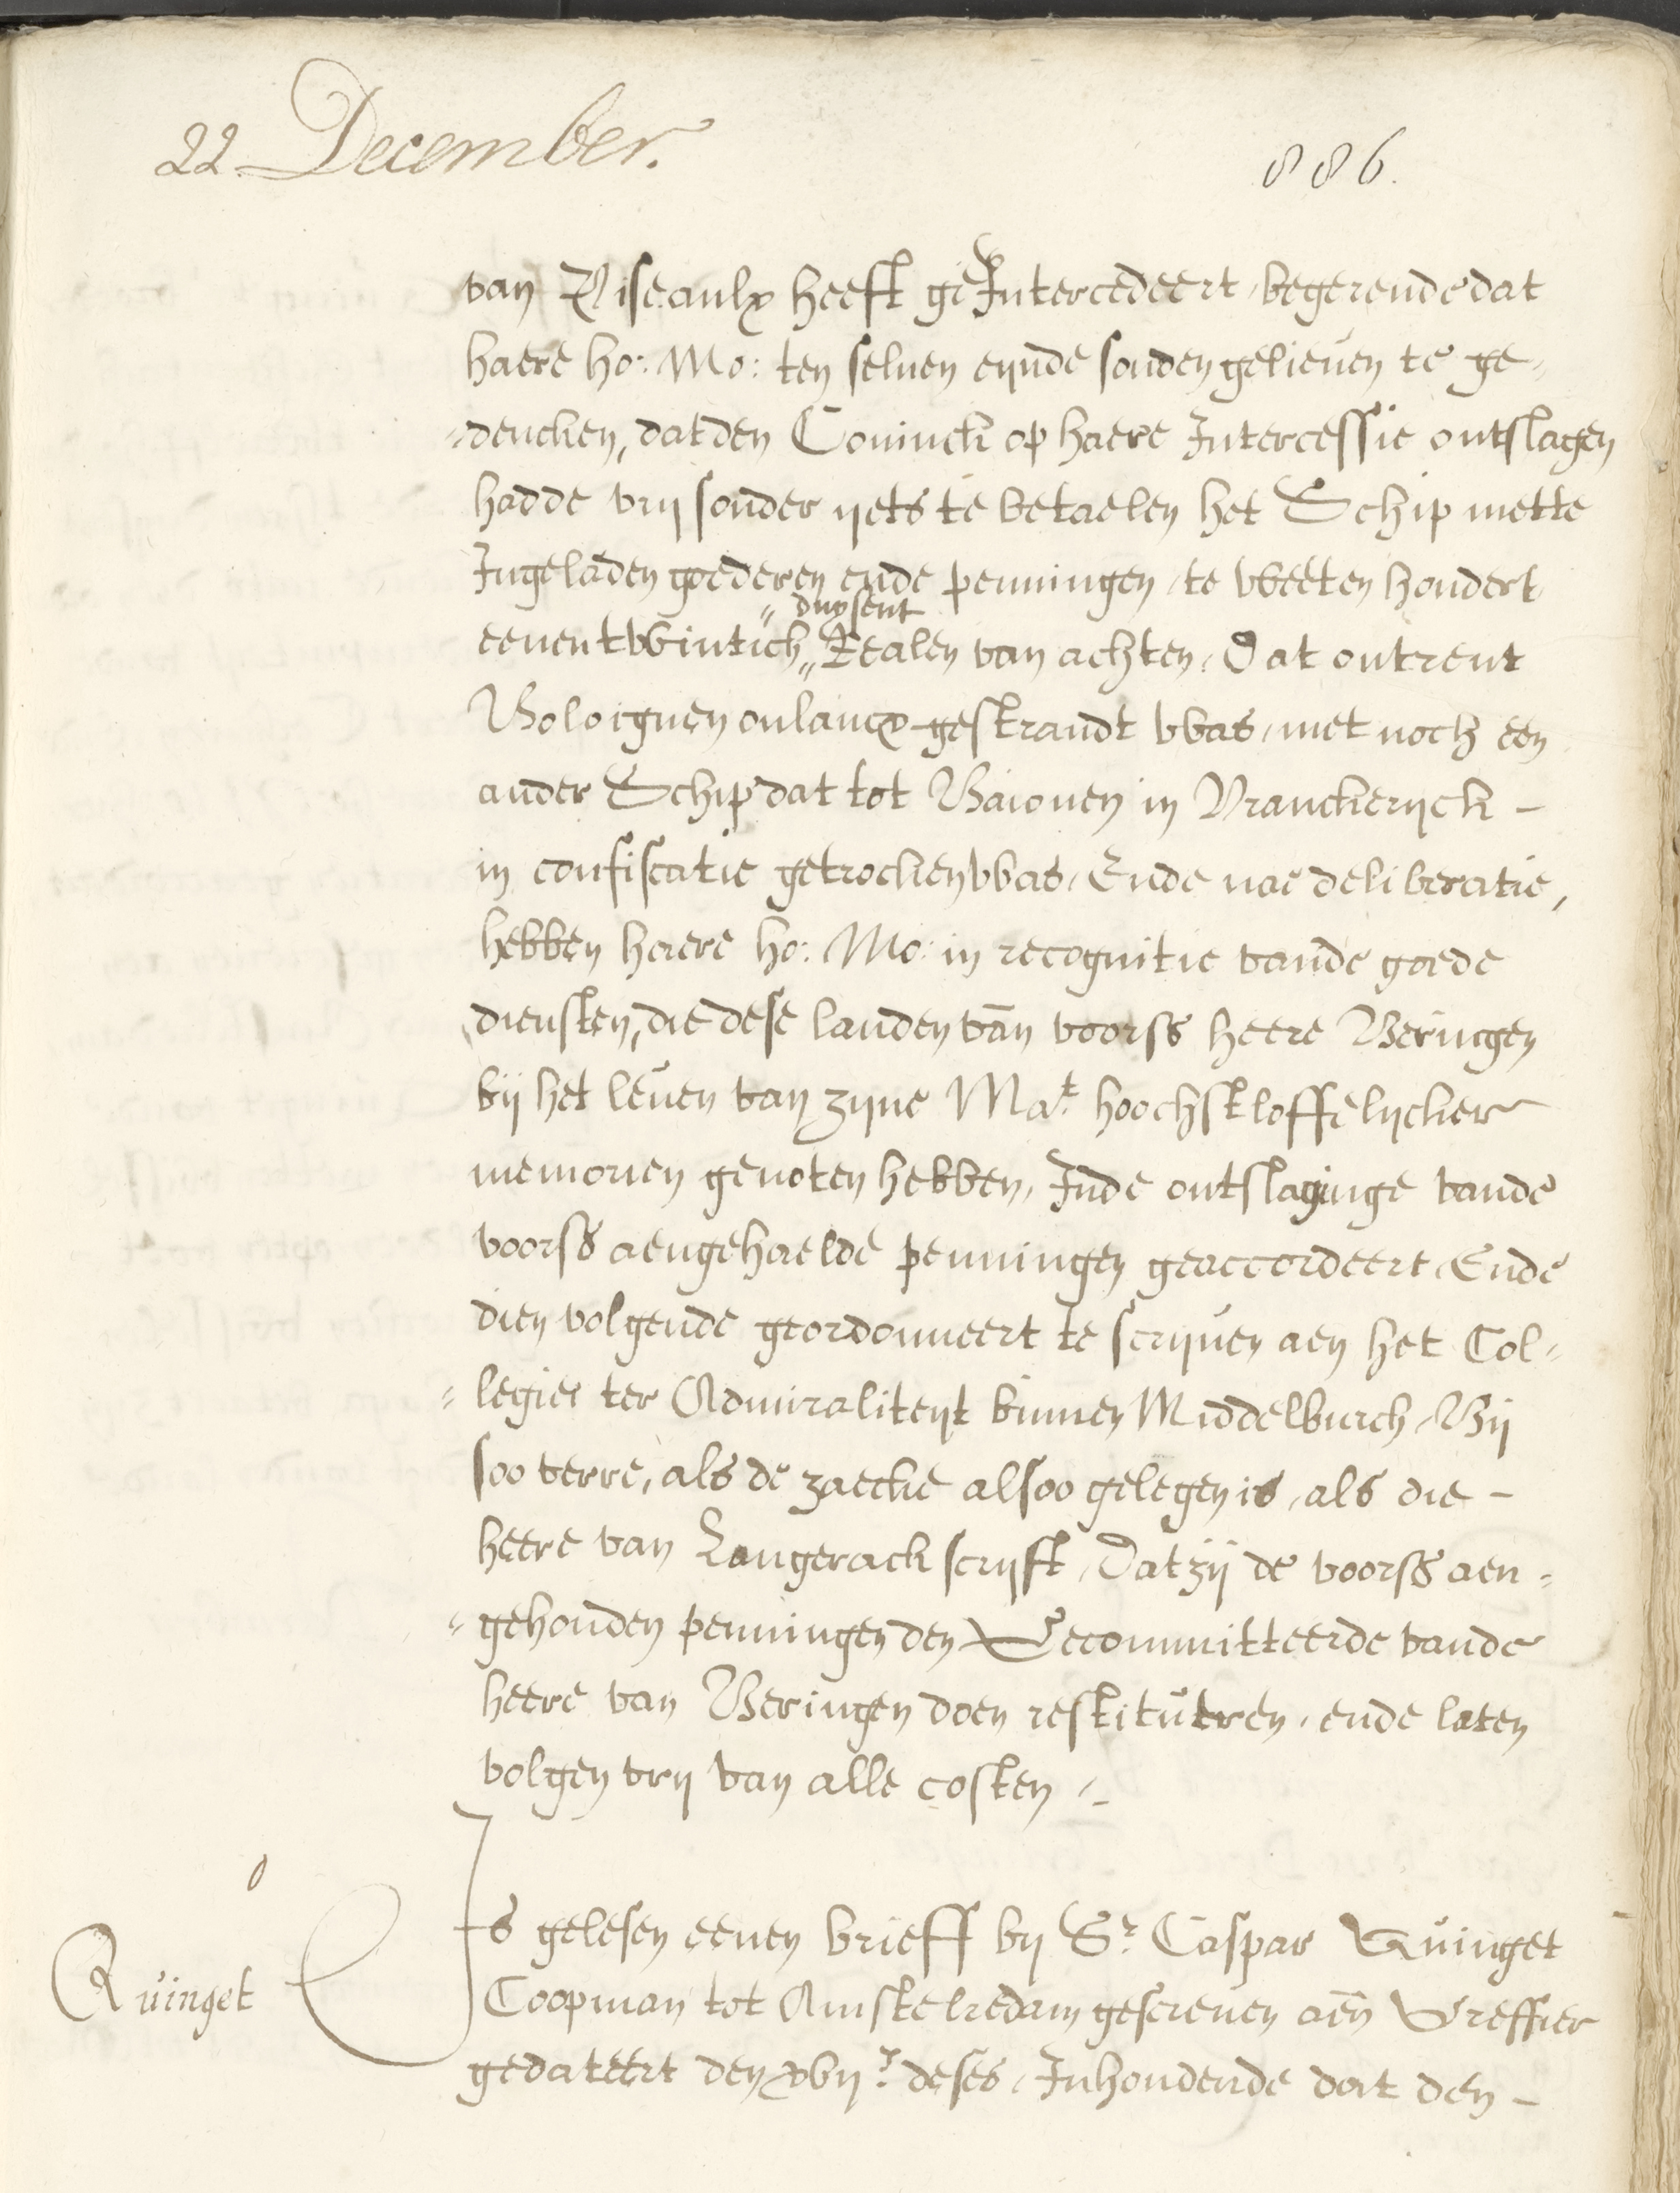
886.
22. December.
van Piseaulx heeft geIntercedeert, begerende dat
haere ho:Mo: ten seluen eynde souden gelieuen te ge„
,,dencken, dat den Coninck op haere Intercessie ontslagen
hadde vry sonder yets te betaelen het Schip mette
Ingeladen goederen ende penningen, te weeten hondert
,,duysent
eenentwintich,, Realen van achten, Dat ontrent
Boloignen onlancx gestrandt was, met noch een
ander Schip dat tot Baionen in Vranckeryck
in confiscatie getrocken was. Ende nae deliberatie,
hebben haere Ho:Mo: in recognitie vande goede
diensten, die dese landen van voors heere Beringen
bij het leuen van zyne Mat. hoochstloffelycker
memorien genoten hebben, Inde ontslaginge vande
voors aengehaelde penningen geaccordeert. Ende
dien volgende geordonneert te scryuen aen het Col„
,,legien ter Admiraliteyt binnen Middelburch, Bij
soo verre, als de zaecke alsoo gelegen is, als die -
heere van Langerack scryft, dat zij de voors aen„
,,gehouden penningen den Gecommitteerde vande
heere van Beringen doen restitueren, ende laten
volgen vry van alle costen.
Quinget
Is gelesen eenen brieff by Sr. Caspar Quinget
Coopman tot Amstelredam gescreuen aen Greffier
gedateert den xvijen. deses, Inhoudende dat den —
